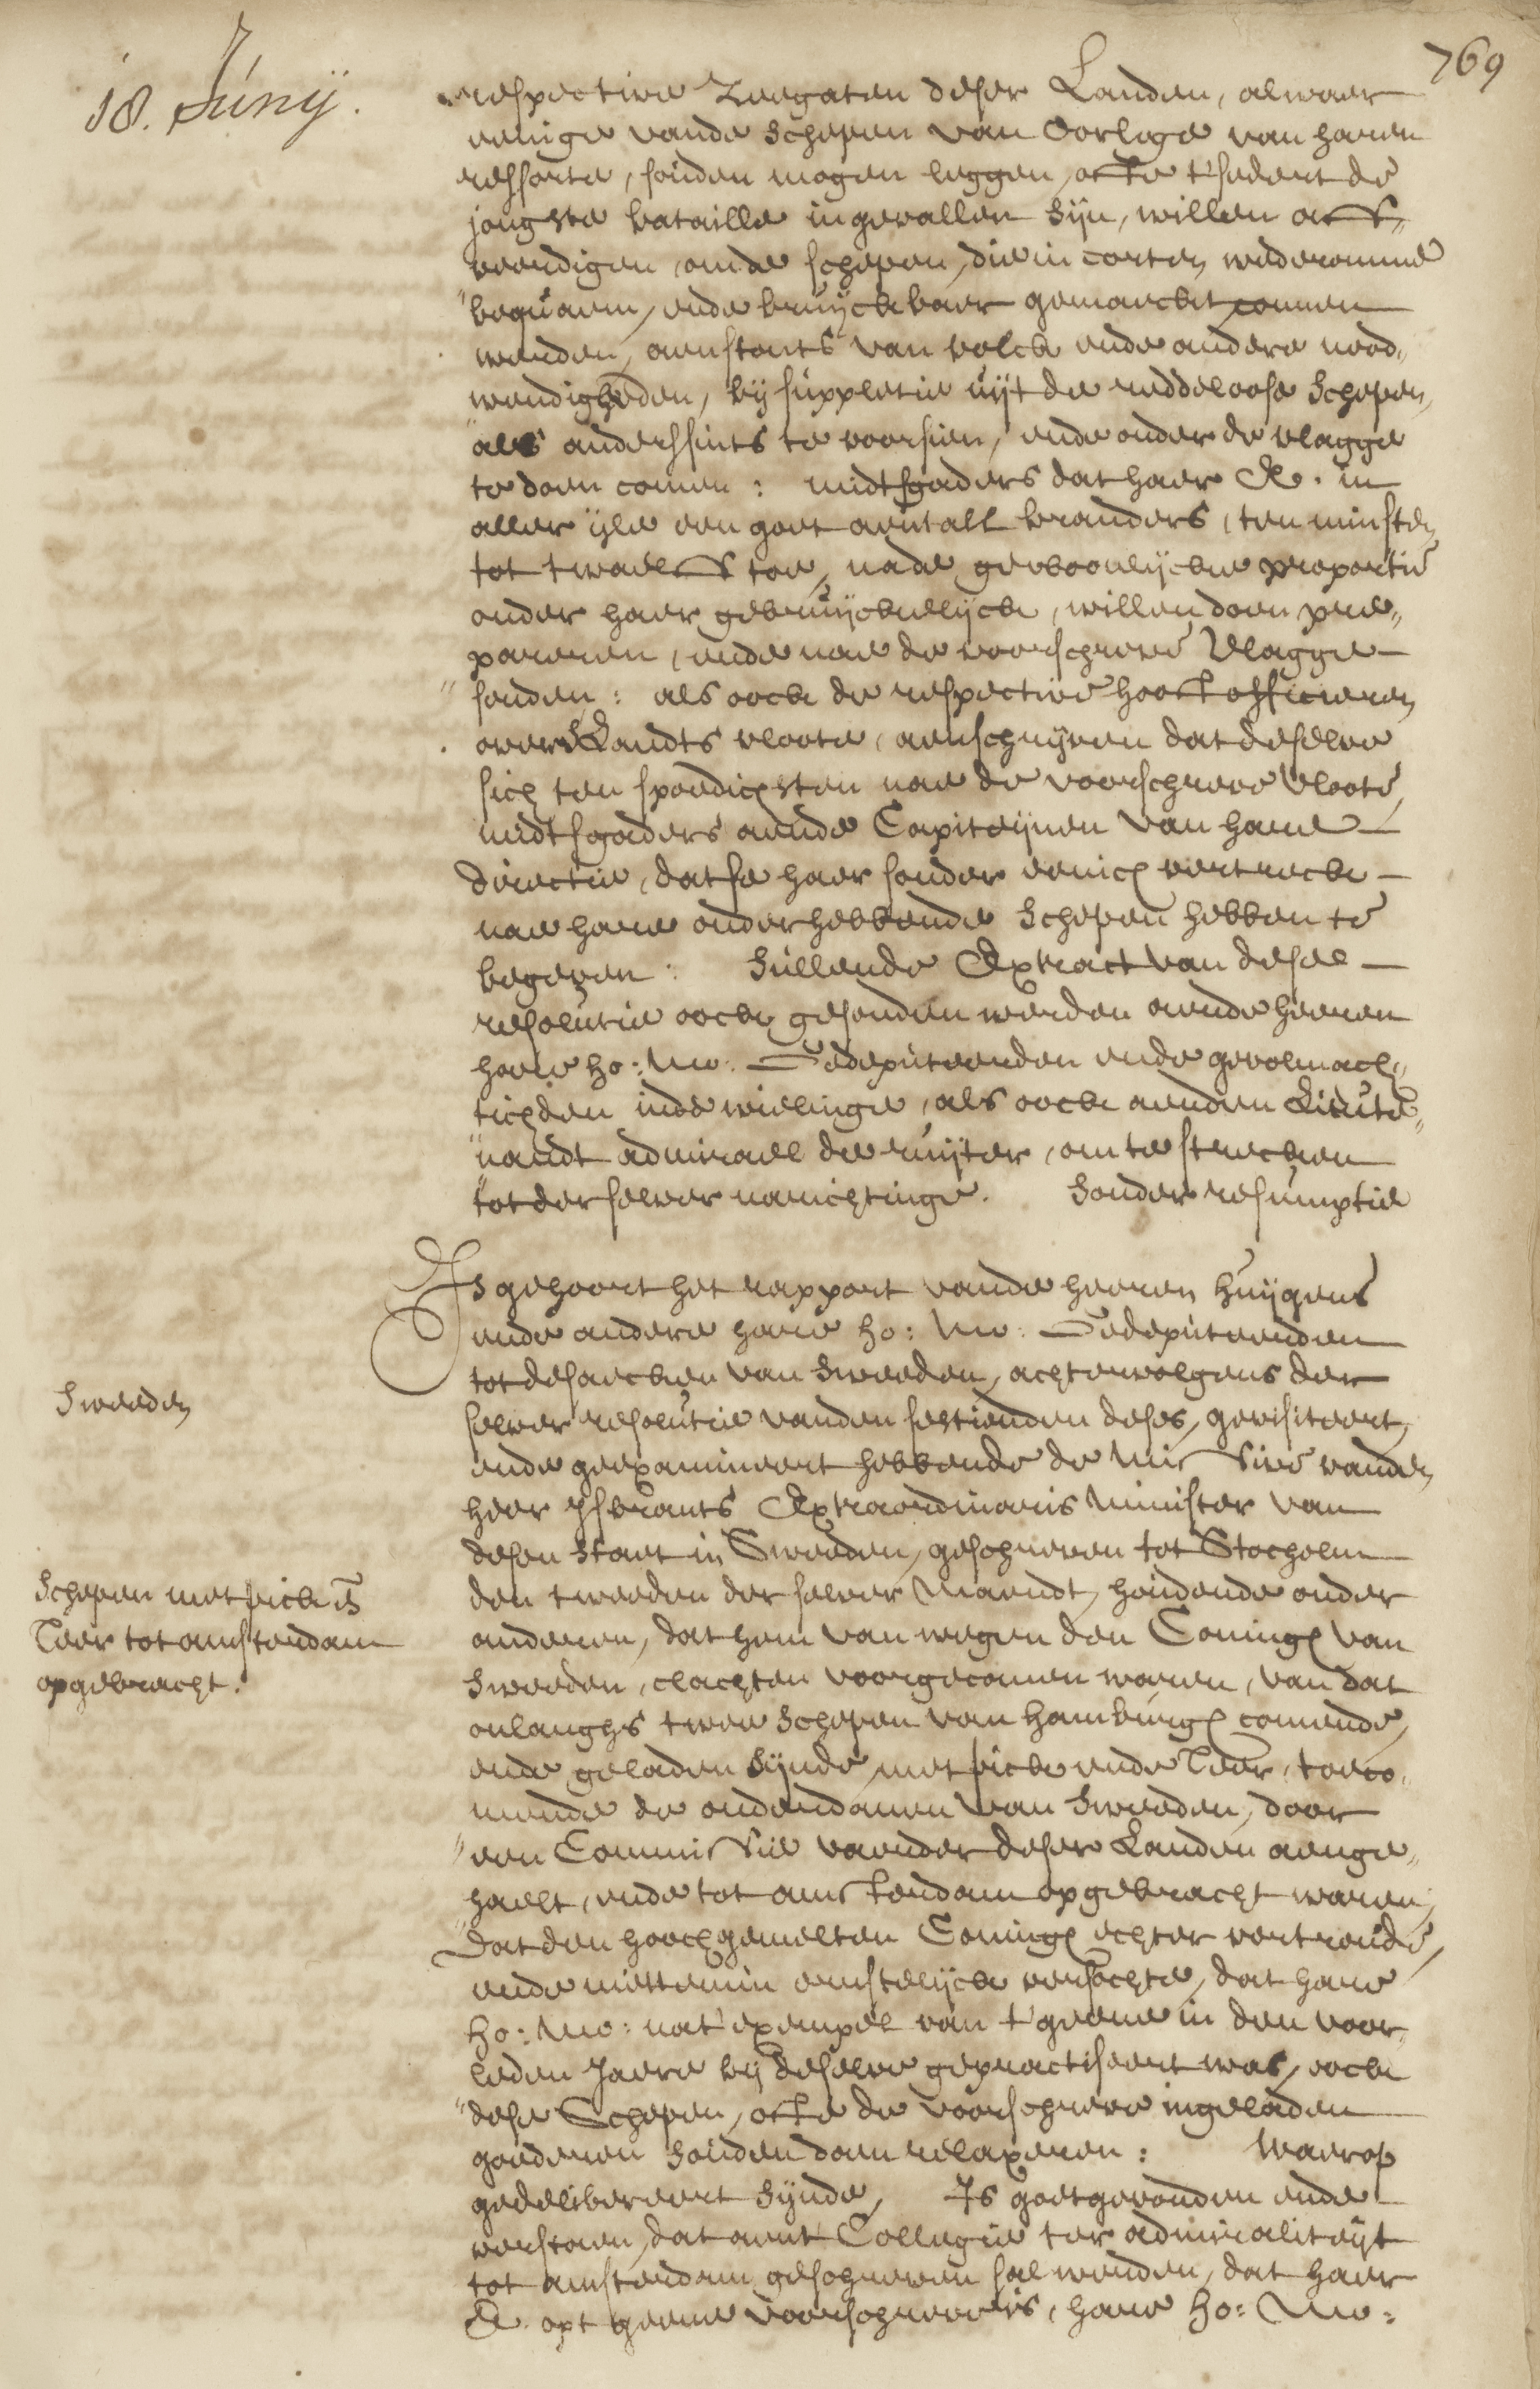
769
18. Junij
respective Zeegaten deser Landen, alwaer
eenige vande schepen van Oorloge van haren
ressorte, souden mogen leggen, ofte t'sedert de
jongste bataille ingevallen sijn, willen aff„
veerdigen, om de schepen, die in corten wederomme
bequaem, ende bruijckbaer gemaeckt connen
werden, aenstants van volck ende andere nood,,
,,wendigheden, bij suppletie uijt de reddeloose schepen
als anderssints te voorsien, ende onder de vlagge
te doen comen: midtsgaders dat haer E. in
aller ijle een goet aentall branders, ten minste
tot twaelff toe, nade gewoonlijcke proportie
onder haer gebruijckelijck, willen doen pre,,
,,pareren, ende nae de voorschreve Vlagge —
senden: als oock de respective hooft officieren
oversLandts vloote, aenschrijven dat deselve
sich ten spoedichsten nae de voorschreve vloote
midtsgaders aende Capiteijnen van hare
directie, datse haer sonder eenich vertreck
nae hare onderhebbende schepen hebben te
begeven: Sullende Extract van dese
resolutie oock gesonden werden aende heeren
hare Ho:Mo: Gedeputeerden ende gevolmach,,
,,tichden inde wielinge, als oock aenden Lieute,,
,,nandt admirael de ruijter, om te strecken
totderselver narichtinge. Sonder resumptie.
Sweeden
Schepen met pick en
Teer tot amsterdam
opgebracht.
Is gehoort het rapport vande heeren huijgens
ende andere hare ho:Mo: Gedeputeerden
tot de saecken van Sweeden, achtervolgens der
selver resolutie vanden sestienden deses, gevisiteert
ende geexamineert hebbende de Missive vande
heer Isbrants Extraordinaris Minister van
desen Staet in Sweeden, geschreven tot Stocholm
den tweeden der selver Maendt, houdende onder
anderen, dat hem van wegen den Coningh van
Sweeden, clachten voorgecomen waren, van dat
onlanghs twee schepen van Hamburgh comende
ende geladen sijnde, met pick ende Teer, toeco,,
,,mende de onderdanen van Sweeden, door
een Commissie vaerder deser Landen aenge„
haelt, ende tot amsterdam opgebracht waren
Dat den hoochgemelten Coningh echter vertroude
ende niettemin ernstelijck versochte, dat hare
Ho:Mo: nat exempel van t'geene in den voor
leden Jaere bij deselve gepractiseert was, oock
dese Schepen, ofte de voorschreve ingeladen
goederen souden doen relaxeren: Waerop
gedelibereert sijnde, Is goetgevonden ende
verstaen, dat aent Collegie ter admiraliteijt
tot Amsterdam geschreven sal werden, dat haer
E. opt geene voorschreve is, hare Ho:Mo:
